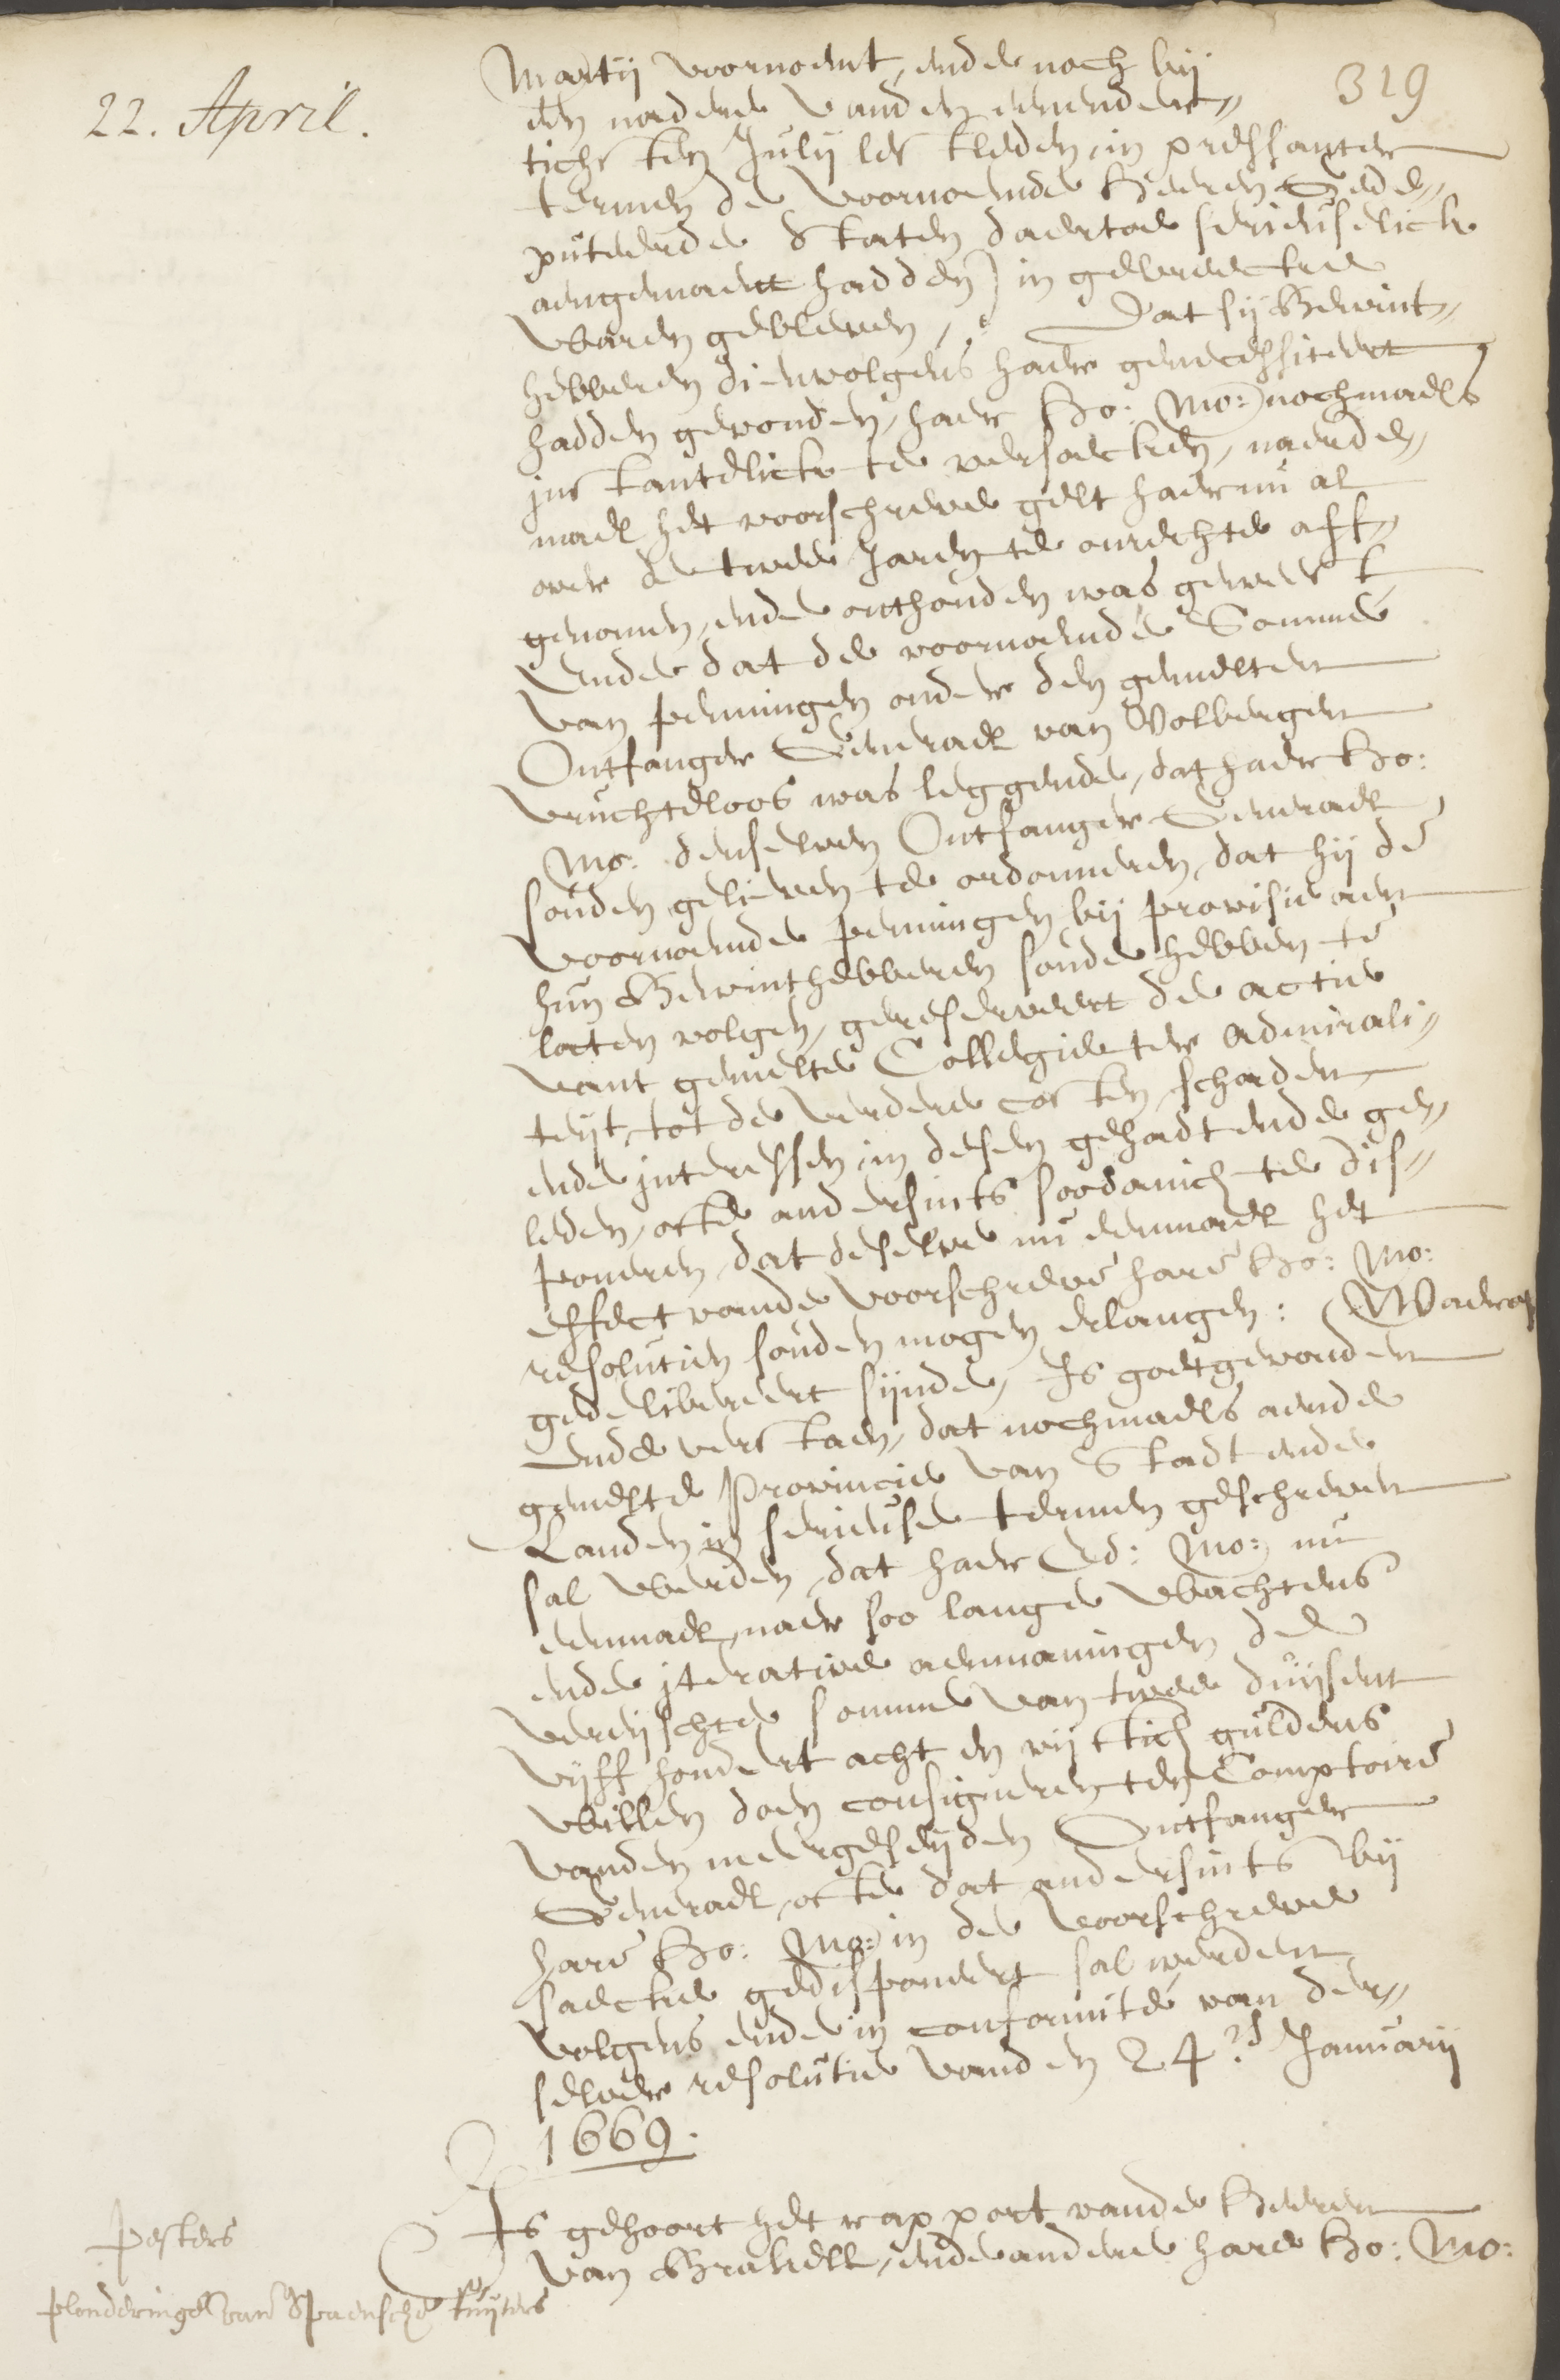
319
22. April.
Martij voornoemt ende noch bij
een nadere vanden eenender„
tichsten Julij lestleden, in pressanter
termen de voornoemde Heeren Gede,,
puteerde Staten daertoe serieuselick
aengemaent hadden) in gebreecke
waren gebleven. Dat sij bewint,,
hebberen dienvolgens haer genecessiteert
hadden gevonden, haer Ho:Mo: nochmaels
instantelick te versoecken, naerde„
mael het voorschreve gelt haer nu al
over de twee jaren te onrechte aff
genomen, ende onthouden was geweest
ende dat de voornoemde Somme
van penningen onder den gemelten
Ontfanger Generael van Volbergen
vruchteloos was leggende, dat haer Ho:
Mo: denselven Ontfanger Generael
souden gelieven te ordonneren, dat hij de
voornoemde penningen bij provisie aen
hun Bewinthebberen soude hebben te
laten volgen, gereserveert de actie
vant gemelte Collegie ter Admirali,,
teijt, tot de verdere costen, schaden
ende interessen, in desen gehadt ende ge,,
leden, ofte andersints soodanich te dis„
poneren, dat deselve nu eenmael het
effect vande voorschreve hare Ho:Mo:
resolutien souden mogen erlangen: Waerop
gedelibereert sijnde, Is goetgevonden
ende verstaen, dat nochmaels aende
gemelte Provincie van Stadt ende
Landen in serieuse termen geschreven
sal werden, dat haer Ed:Mo: nu
eenmael, naer soo lange wachtens
ende iterative aenmaningen de
vereijschte somme van twee duijsent
vijff hondert acht en vijftich guldens
willen doen consigneren ten Comptoire
vanden meergeseijden Ontfanger
Generael, ofte dat andersints bij
hare Ho:Mo: in de voorschreve
saecke gedisponeert sal werden
volgens ende in conformité van der„
selver resolutie vanden 24e Januarij
1669.
Pesters
plonderinge van Spaensche Ruijters
Is gehoort het rapport vande Heeren
van Brakell, ende andere hare Ho:Mo:
